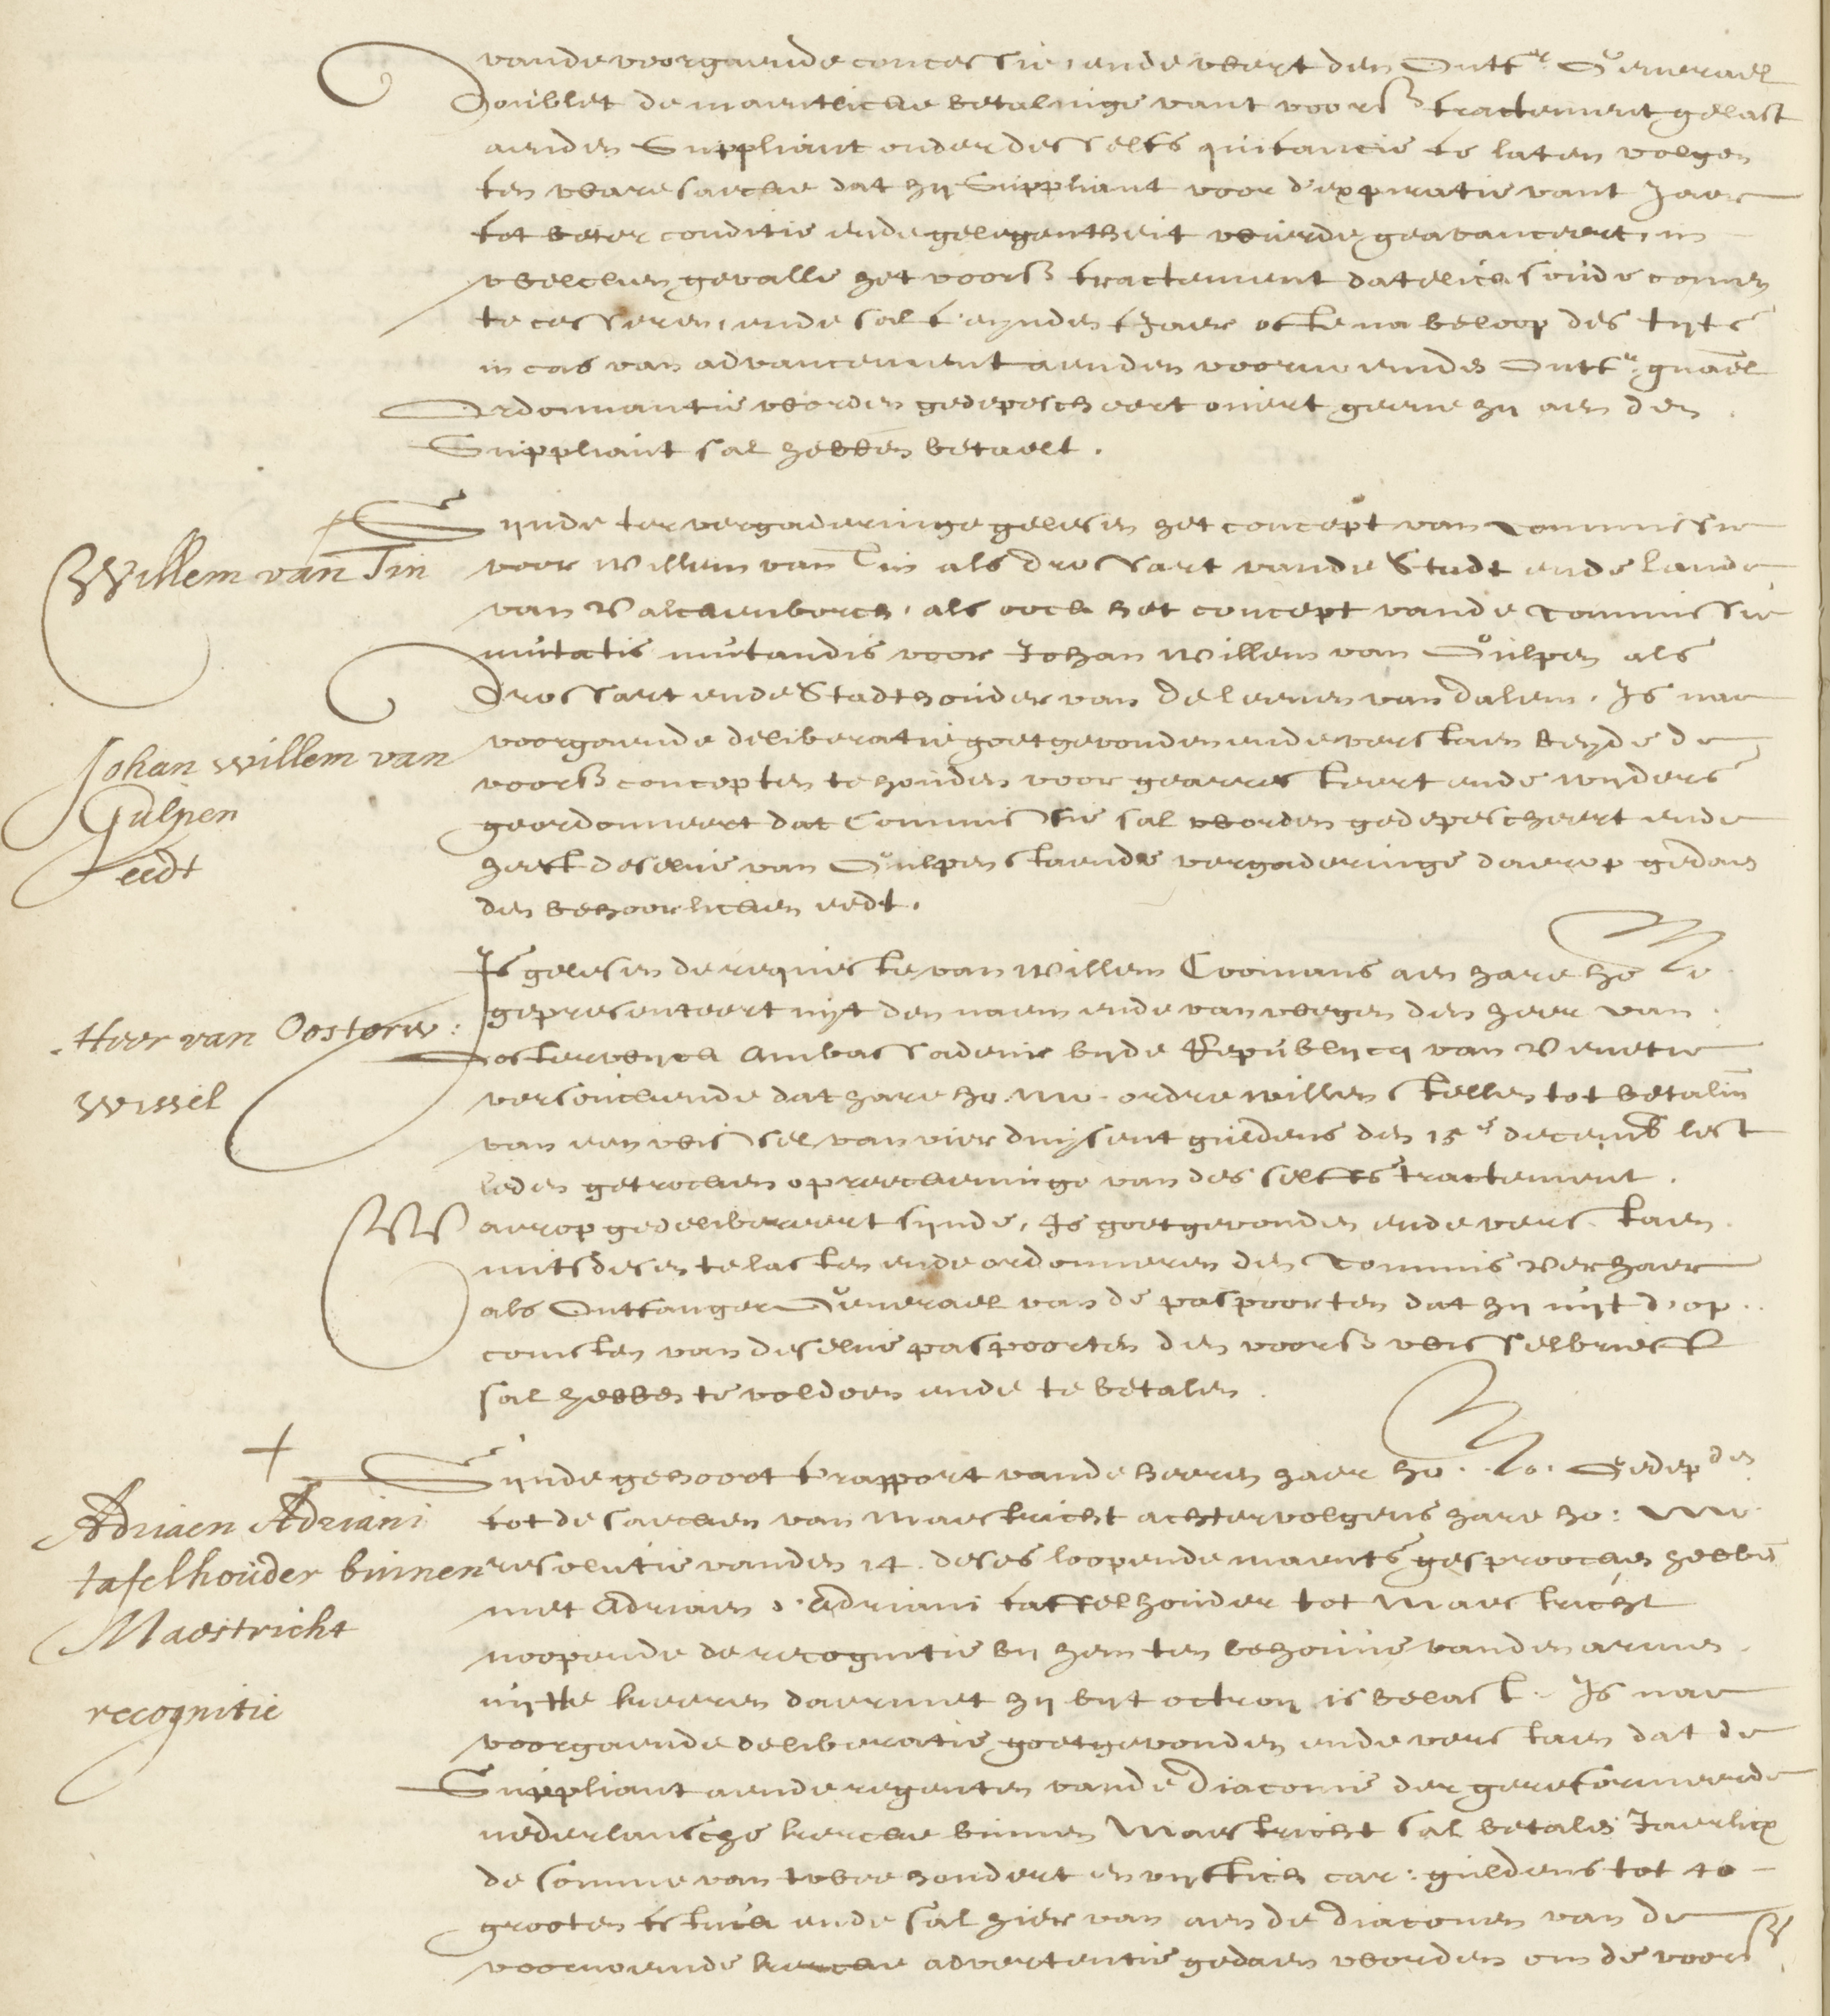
vande voorgaende concessie, ende wert den Ontfr. Generael
Doublet de maentlicke betalinge vant voors tractement gelast
aenden Suppliant onder desselfs quitancie te laten volgen
ten ware saecke dat hy Suppliant voor d'expiratie vant Jaer
tot beter conditie ende gelegentheit wierde geavanceert, in
welcken gevalle het voors tractement datelick soude comen
te cesseren, ende sal t'eynden tJaer ofte na beloop des tyts
in cas van advancement aenden voornoemden Ontfr. gnael
Ordonnantie worden gedepescheert ouert geene hy aen den
Suppliant sal hebben betaelt.
Willem van Tin
Johan Willem van
Gulpen
eedt
Synde ter vergaderinge gelesen het concept van commissie
voor Willem van Tin als drossart vande Stadt ende lande
van Valckenborch, als oock het concept vande commissie
mutatis mutandis voor Johan Willem van Gulpen als
drossart ende Stadthouder van de leenen van dalem. Is nae
voorgaende deliberatie goetgevonden ende verstaen beyde de
voors concepten te houden voor gearresteert ende wyders
geordonneert dat commisssie sal worden gedepescheert ende
heeft deselue van Gulpen staende vergaderinge daerop gedaen
den behoorlicken eedt.
Heer van Oosterw:
Wissel
Is gelesen de requeste van Willem Coomans aen hare Ho:Mo
gepresenteert uyt den naem ende van wegen den heer van
Oosterwyck Ambassadeur byde Republycq van Venetie
versouckende dat hare Ho:Mo: ordre willen stellen tot betalin
van een wissel van vier duysent guldens den 15en decemb lest
leden getrocken op reeckeninge van des selffs tractement.
Waerop gedelibereert synde, Is goetgevonden ende verstaen
mitsdesen te lasten ende ordonneren den commis Verhaer
als Ontfanger Generael van de paspoorten dat hy uyt d'op,,
comsten van deselue paspoorten den voors wisselbrieff
sal hebben te voldoen ende te betalen.
Adriaen Adriani
tafelhouder binnen
Maestricht
recognitie
Synde gehoort t'rapport vande heeren haer ho:Mo: Gedepden.
tot de saecken van Maestricht achtervolgens hare ho:Mo:
resolutie vanden 24. deses loopende maents gesproocken hebben
met Adriaen s'Adriani taffelhouder tot Maestricht
noopende de recognitie by hem ten behouue vanden armen
uytte keeren daermet hy byt octroy is belast. Is nae
voorgaende deliberatie goetgevonden ende verstaen dat de
Suppliant aende regenten vande diaconie der gereformeerde
nederlansche kercke binnen Maestricht sal betalen Jaerlicx
de somme van twee hondert en vyftich car: guldens tot 40
grooten tstuck ende sal hier van aen de diaconen van de
voornoemde kercke advertentie gedaen worden om de voors.
